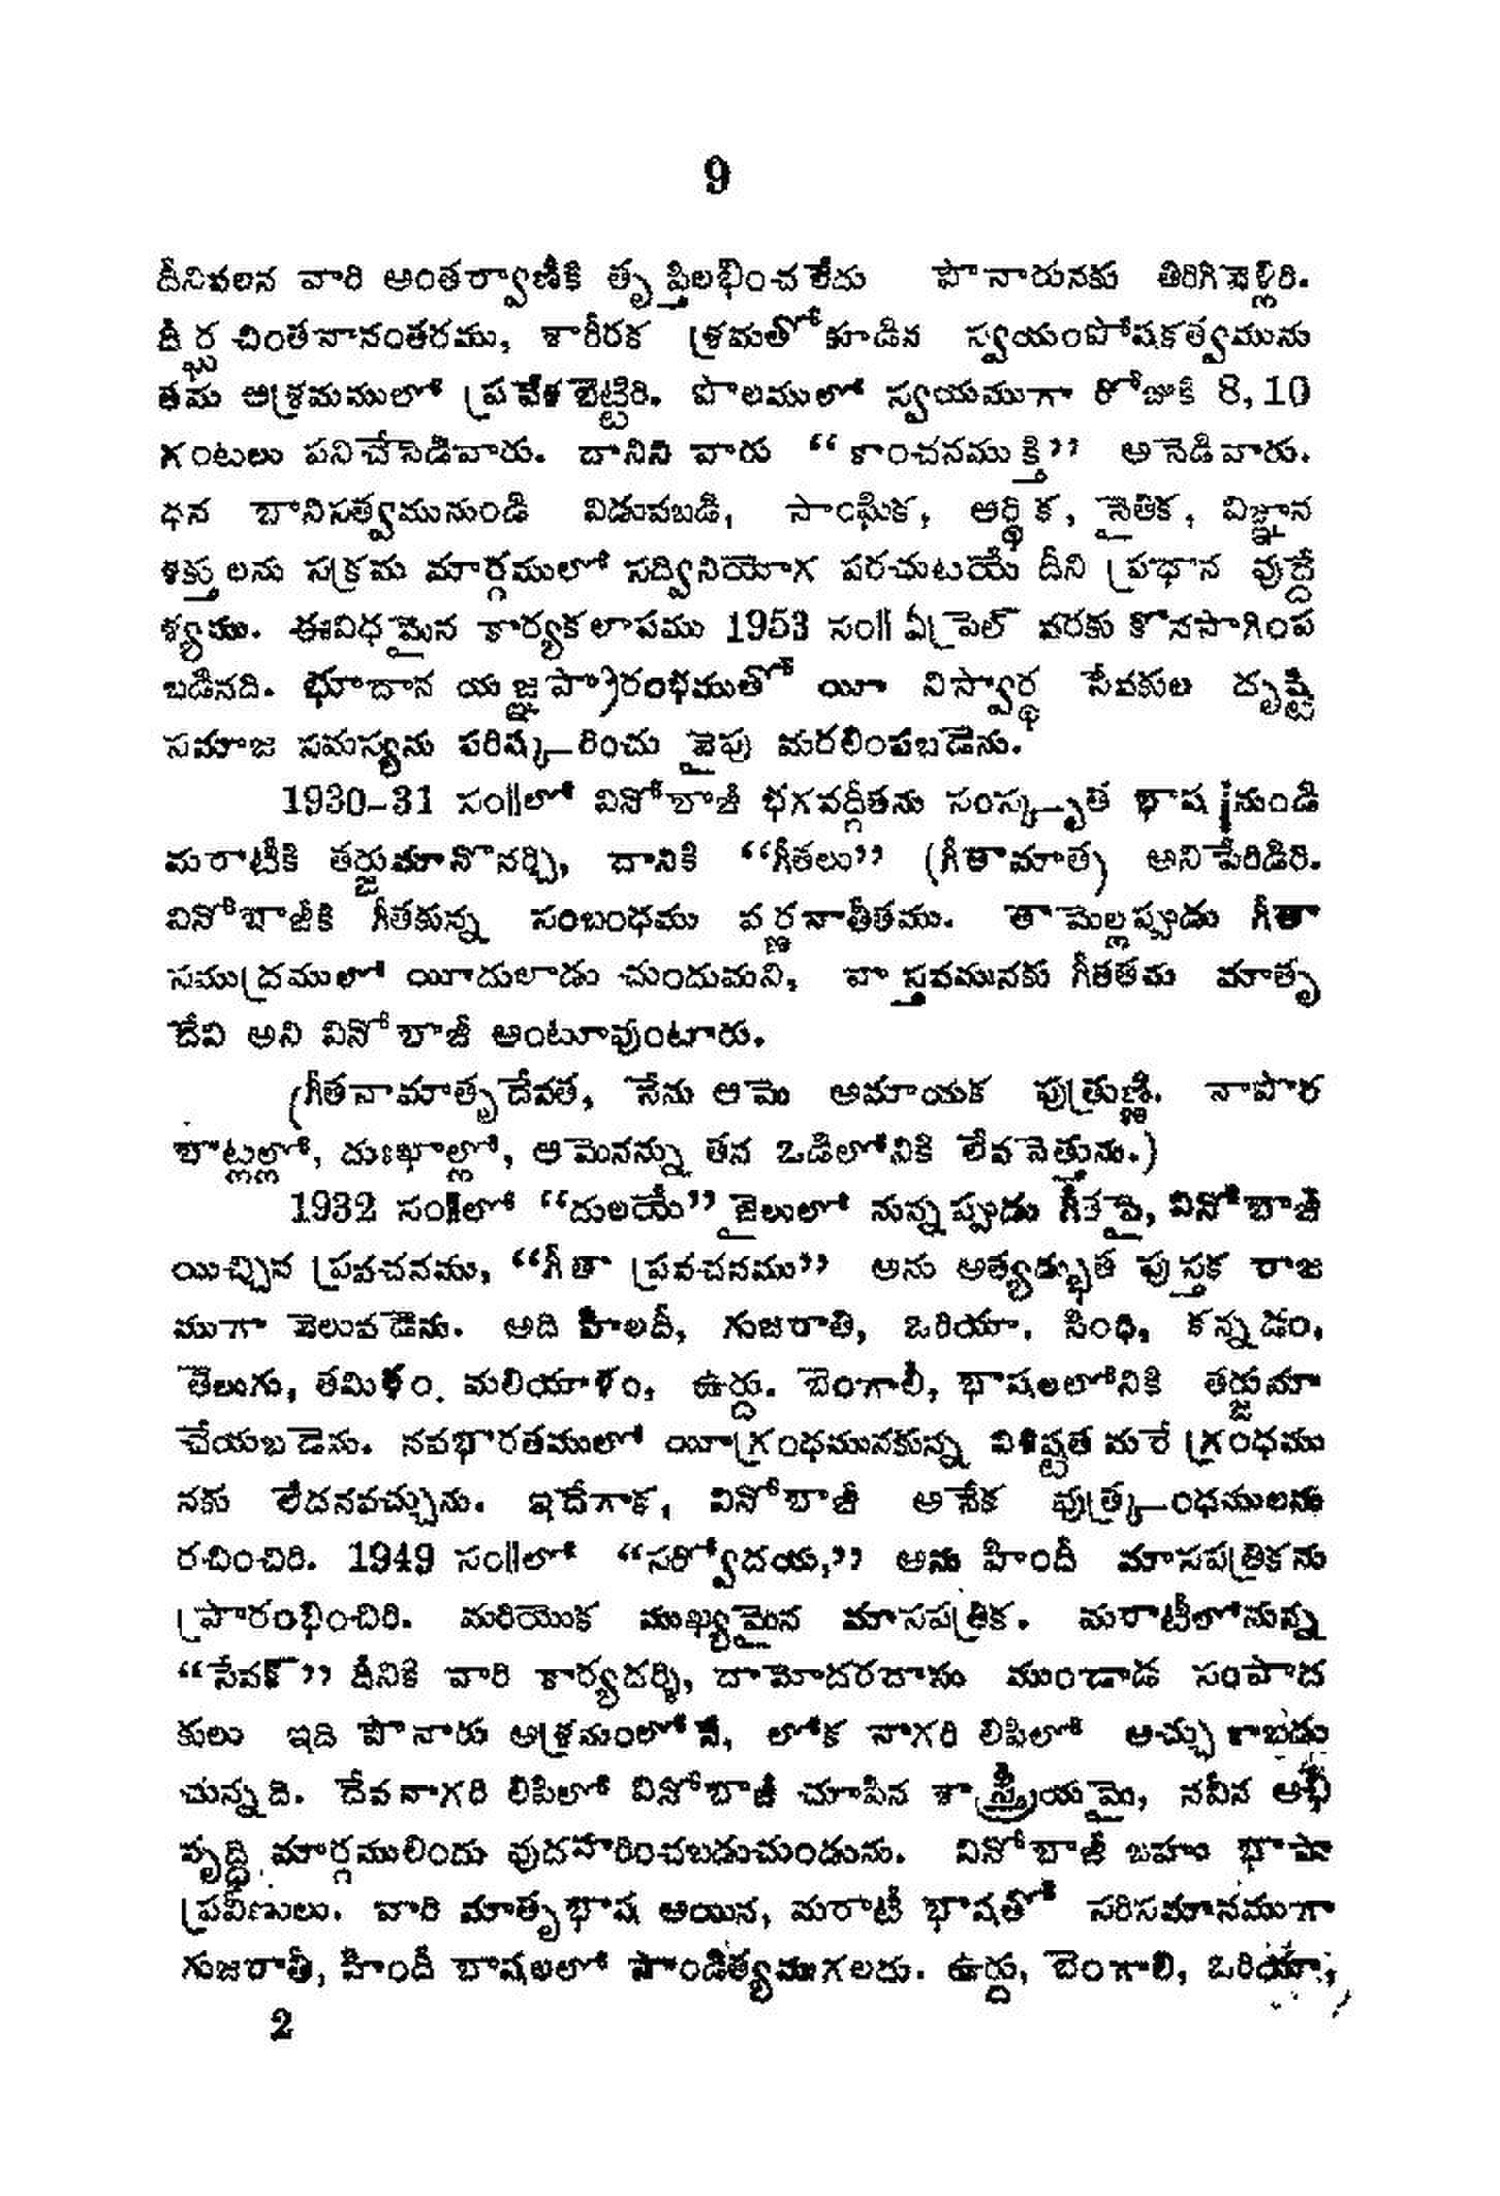దీనివలన వారి అంతర్వాణీకి తృప్తిలభించలేదు. పౌనారునకు తిరిగివెళ్లిరి. దీర్ఘ చింతనానంతరము, శారీరక శ్రమతోకూడిన స్వయంపోషకత్వమును తమ ఆశ్రమములో ప్రవేశబెట్టిరి, పొలములో స్వయముగా రోజుకి 8, 10 గంటలు పనిచేసెడివారు. దానిని వారు "కాంచనముక్తి" అనెడివారు. ధన బానిసత్వమునుండి విడువబడి, సాంఘిక, ఆర్థిక, నైతిక , విజ్ఞాన శక్తులను సక్రమ మార్గములో సద్వినియోగ పరచుటయే దీని ప్రధాన వుద్దేశ్యము. ఈవిధమైన కార్యకలాపము 1953 సం|| ఏప్రెల్ వరకు కొనసాగింప బడినది. భూదాన యజ్ఞప్రారంభముతో యీ నిస్వార్థ సేవకుల దృష్టి సమాజ సమస్యను పరిష్కరించు వైపు మరలింపబడెను.

1930–31 సం||లో వినోబాజీ భగవద్గీతను సంస్కృత భాష నుండి మరాటీకి తర్జుమానొనర్చి, దానికి "గీతలు" (గీతామాత) అనిపేరిడిరి. వినోబాజీకి గీతకున్న సంబంధము వర్ణనాతీతము. తామెల్లప్పుడు గీతా సముద్రములో యీదులాడు చుందుమని, వాస్తవమునకు గీతతమ మాతృదేవి అని వినోబాజీ అంటూవుంటారు.

(గీతనామాతృదేవత, నేను ఆమె ఆమాయక పుత్రుణ్ణి. నాపొరబాట్లల్లో, దుఃఖాల్లో, ఆమెనన్ను తన ఒడిలోనికి లేవనెత్తును.)

1932 సం||లో "దులయే" జైలులో నున్నప్పుడు గీతపై, వినోబాజీ యిచ్చిన ప్రవచనము, "గీతా ప్రవచనము" అను అత్యద్భుత పుస్తక రాజముగా వెలువడెను. అది హిలదీ, గుజరాతీ, ఒరియా, సింధి, కన్నడం, తెలుగు, తమిళం, మలియాళం, ఉర్దు. బెంగాలీ, భాషలలోనికి తర్జుమా చేయబడెను. నవభారతములో యీగ్రంధమునకున్న విశిష్టత మరే గ్రంధమునకు లేదనవచ్చును. ఇదేగాక, వినోబాజీ అనేక వుత్క్రంధములను రచించిరి. 1949 సం||లో "సర్వోదయ" అను హిందీ మాసపత్రికను ప్రారంభించిరి. మరియొక ముఖ్యమైన మాసపత్రిక. మరాటీలోనున్న "సేవక్" దీనికి వారి కార్యదర్శి, దామోదరదాసు ముండాడ సంపాదకులు ఇది పౌనారు ఆశ్రమంలోనే, లోక నాగరి లిపిలో అచ్చు కాబడుచున్నది. దేవనాగరి లిపిలో వినోబాజీ చూపిన శాస్త్రీయమై, నవీన అభివృద్ధి మార్గములిందు వుదహరించబడుచుండును. వినోబాజీ బహు భాషా ప్రవీణులు. వారి మాతృభాష అయిన, మరాటీ భాషతో సరిసమానముగా గుజురాతీ, హిందీ బాషలలో పాండిత్యముగలదు. ఉర్దు, బెంగాలీ, ఒరియా,